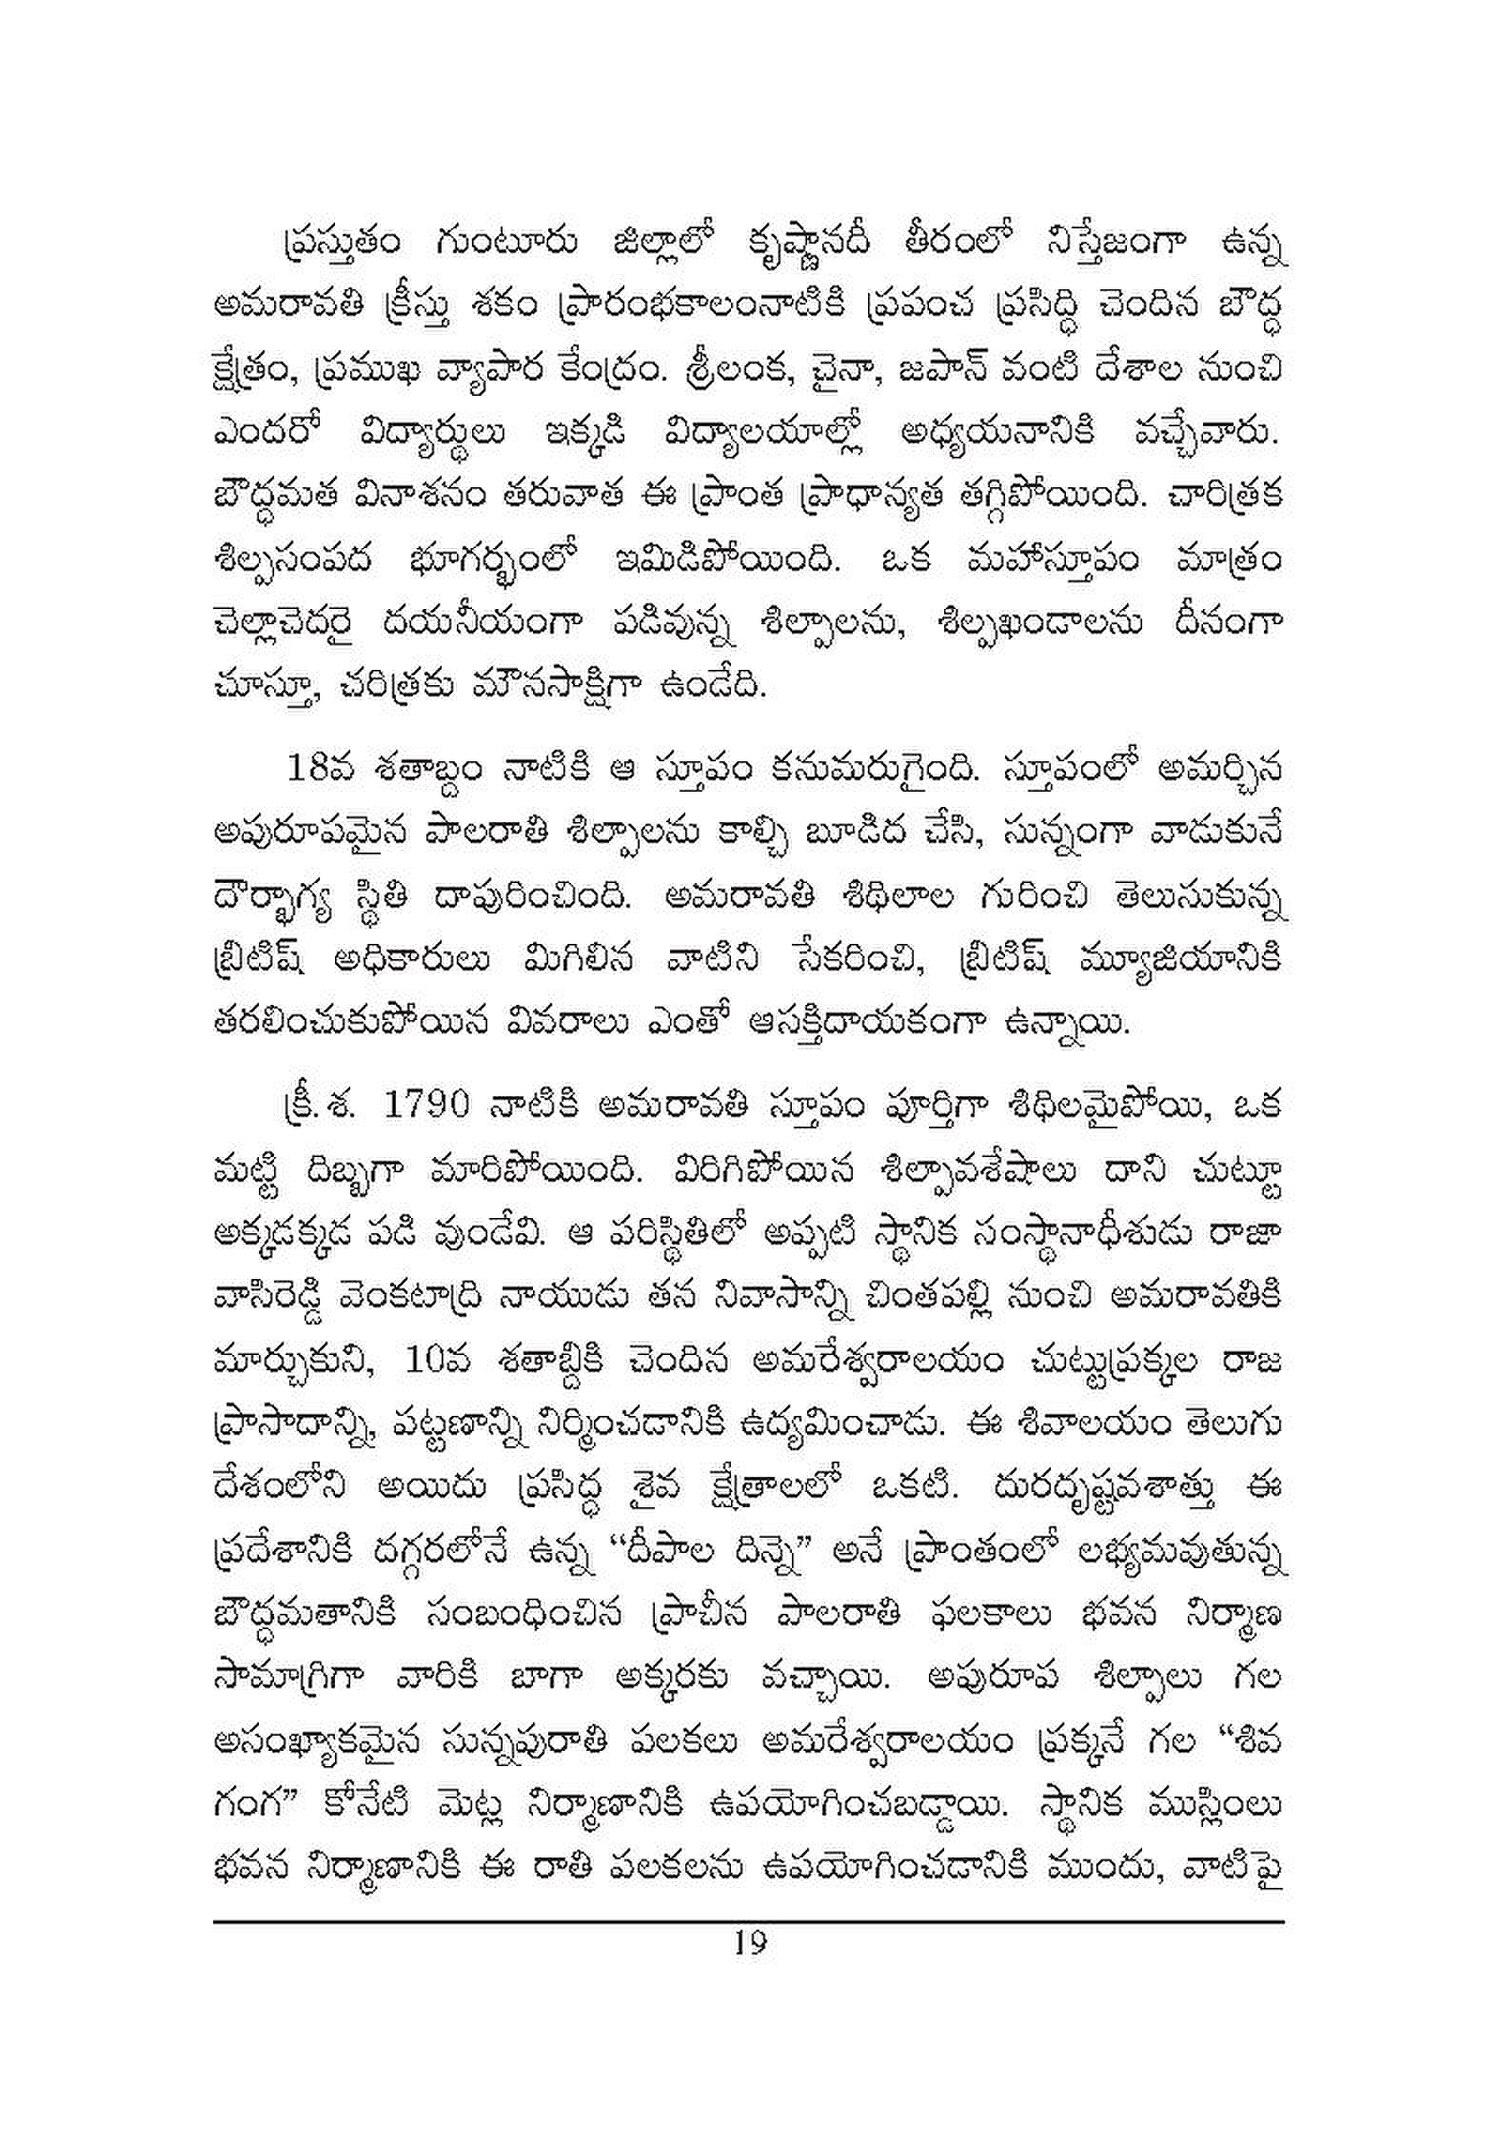ప్రస్తుతం గుంటూరు జిల్లాలో కృష్ణానదీ తీరంలో నిస్తేజంగా ఉన్న అమరావతి క్రీస్తు శకం ప్రారంభకాలంనాటికి ప్రపంచ ప్రసిద్ధి చెందిన బౌద్ధ క్షేత్రం, ప్రముఖ వ్యాపార కేంద్రం. శ్రీలంక, చైనా, జపాన్ వంటి దేశాల నుంచి ఎందరో విద్యారులు ఇక్కడి విద్యాలయాల్లో అధ్యయనానికి వచ్చేవారు. బౌద్ధమత వినాశనం తరువాత ఈ ప్రాంత ప్రాధాన్యత తగ్గిపోయింది. చారిత్రక శిల్పసంపద భూగర్భంలో ఇమిడిపోయింది. ఒక మహాస్తూపం మాత్రం చెల్లాచెదరై దయనీయంగా పడి ఉన్న శిల్పాలను, శిల్పఖండాలను దీనంగా చూస్తూ, చరిత్రకు మౌనసాక్షిగా ఉండేది. 

18వ శతాబ్దం నాటికి ఆ స్తూపం కనుమరుగైంది. స్తూపంలో అమర్చిన అపురూపమైన పాలరాతి శిల్పాలను కాల్చి బూడిద చేసి, సున్నంగా వాడుకునే దౌర్భాగ్య స్థితి దాపురించింది. అమరావతి శిథిలాల గురించి తెలుసుకున్న బ్రిటిష్ అధికారులు మిగిలిన వాటిని సేకరించి, బ్రిటిష్ మ్యూజియానికి తరలించుకుపోయిన వివరాలు ఎంతో ఆసక్తిదాయకంగా ఉన్నాయి. 

క్రీ.శ. 1790 నాటికి అమరావతి సూపం పూర్తిగా శిథిలమైపోయి, ఒక మట్టి దిబ్బగా మారిపోయింది. విరిగిపోయిన శిల్పావశేషాలు దాని చుటూ అక్కడక్కడ పడి వుండేవి. ఆ పరిస్థితిలో అప్పటి స్థానిక సంస్థానాధీశుడు రాజా వాసిరెడ్డి వెంకటాద్రి నాయుడు తన నివాసాన్ని చింతపల్లి నుంచి అమరావతికి మార్చుకుని, 10వ శతాబ్దికి చెందిన అమరేశ్వరాలయం చుట్టుప్రక్కల రాజ ప్రాసాదాన్ని పట్టణాన్ని నిర్మించడానికి ఉద్యమించాడు. ఈ శివాలయం తెలుగు దేశంలోని అయిదు ప్రసిద్ధ శైవ క్షేత్రాలలో ఒకటి. దురదృష్టవశాత్తు ఈ ప్రదేశానికి దగ్గరలోనే ఉన్న "దీపాల దిన్నె" అనే ప్రాంతంలో లభ్యమవుతున్న బౌద్ధమతానికి సంబంధించిన ప్రాచీన పాలరాతి ఫలకాలు భవన నిర్మాణ సామాగ్రిగా వారికి బాగా అక్కరకు వచ్చాయి. అపురూప శిల్పాలు గల అసంఖ్యాకమైన సున్నపురాతి పలకలు అమరేశ్వరాలయం ప్రక్కనే గల 'శివ గంగ" కోనేటి మెట్ల నిర్మాణానికి ఉపయోగించబడ్డాయి. స్థానిక ముస్లింలు భవన నిర్మాణానికి ఈ రాతి పలకలను ఉపయోగించడానికి ముందు, వాటిపై